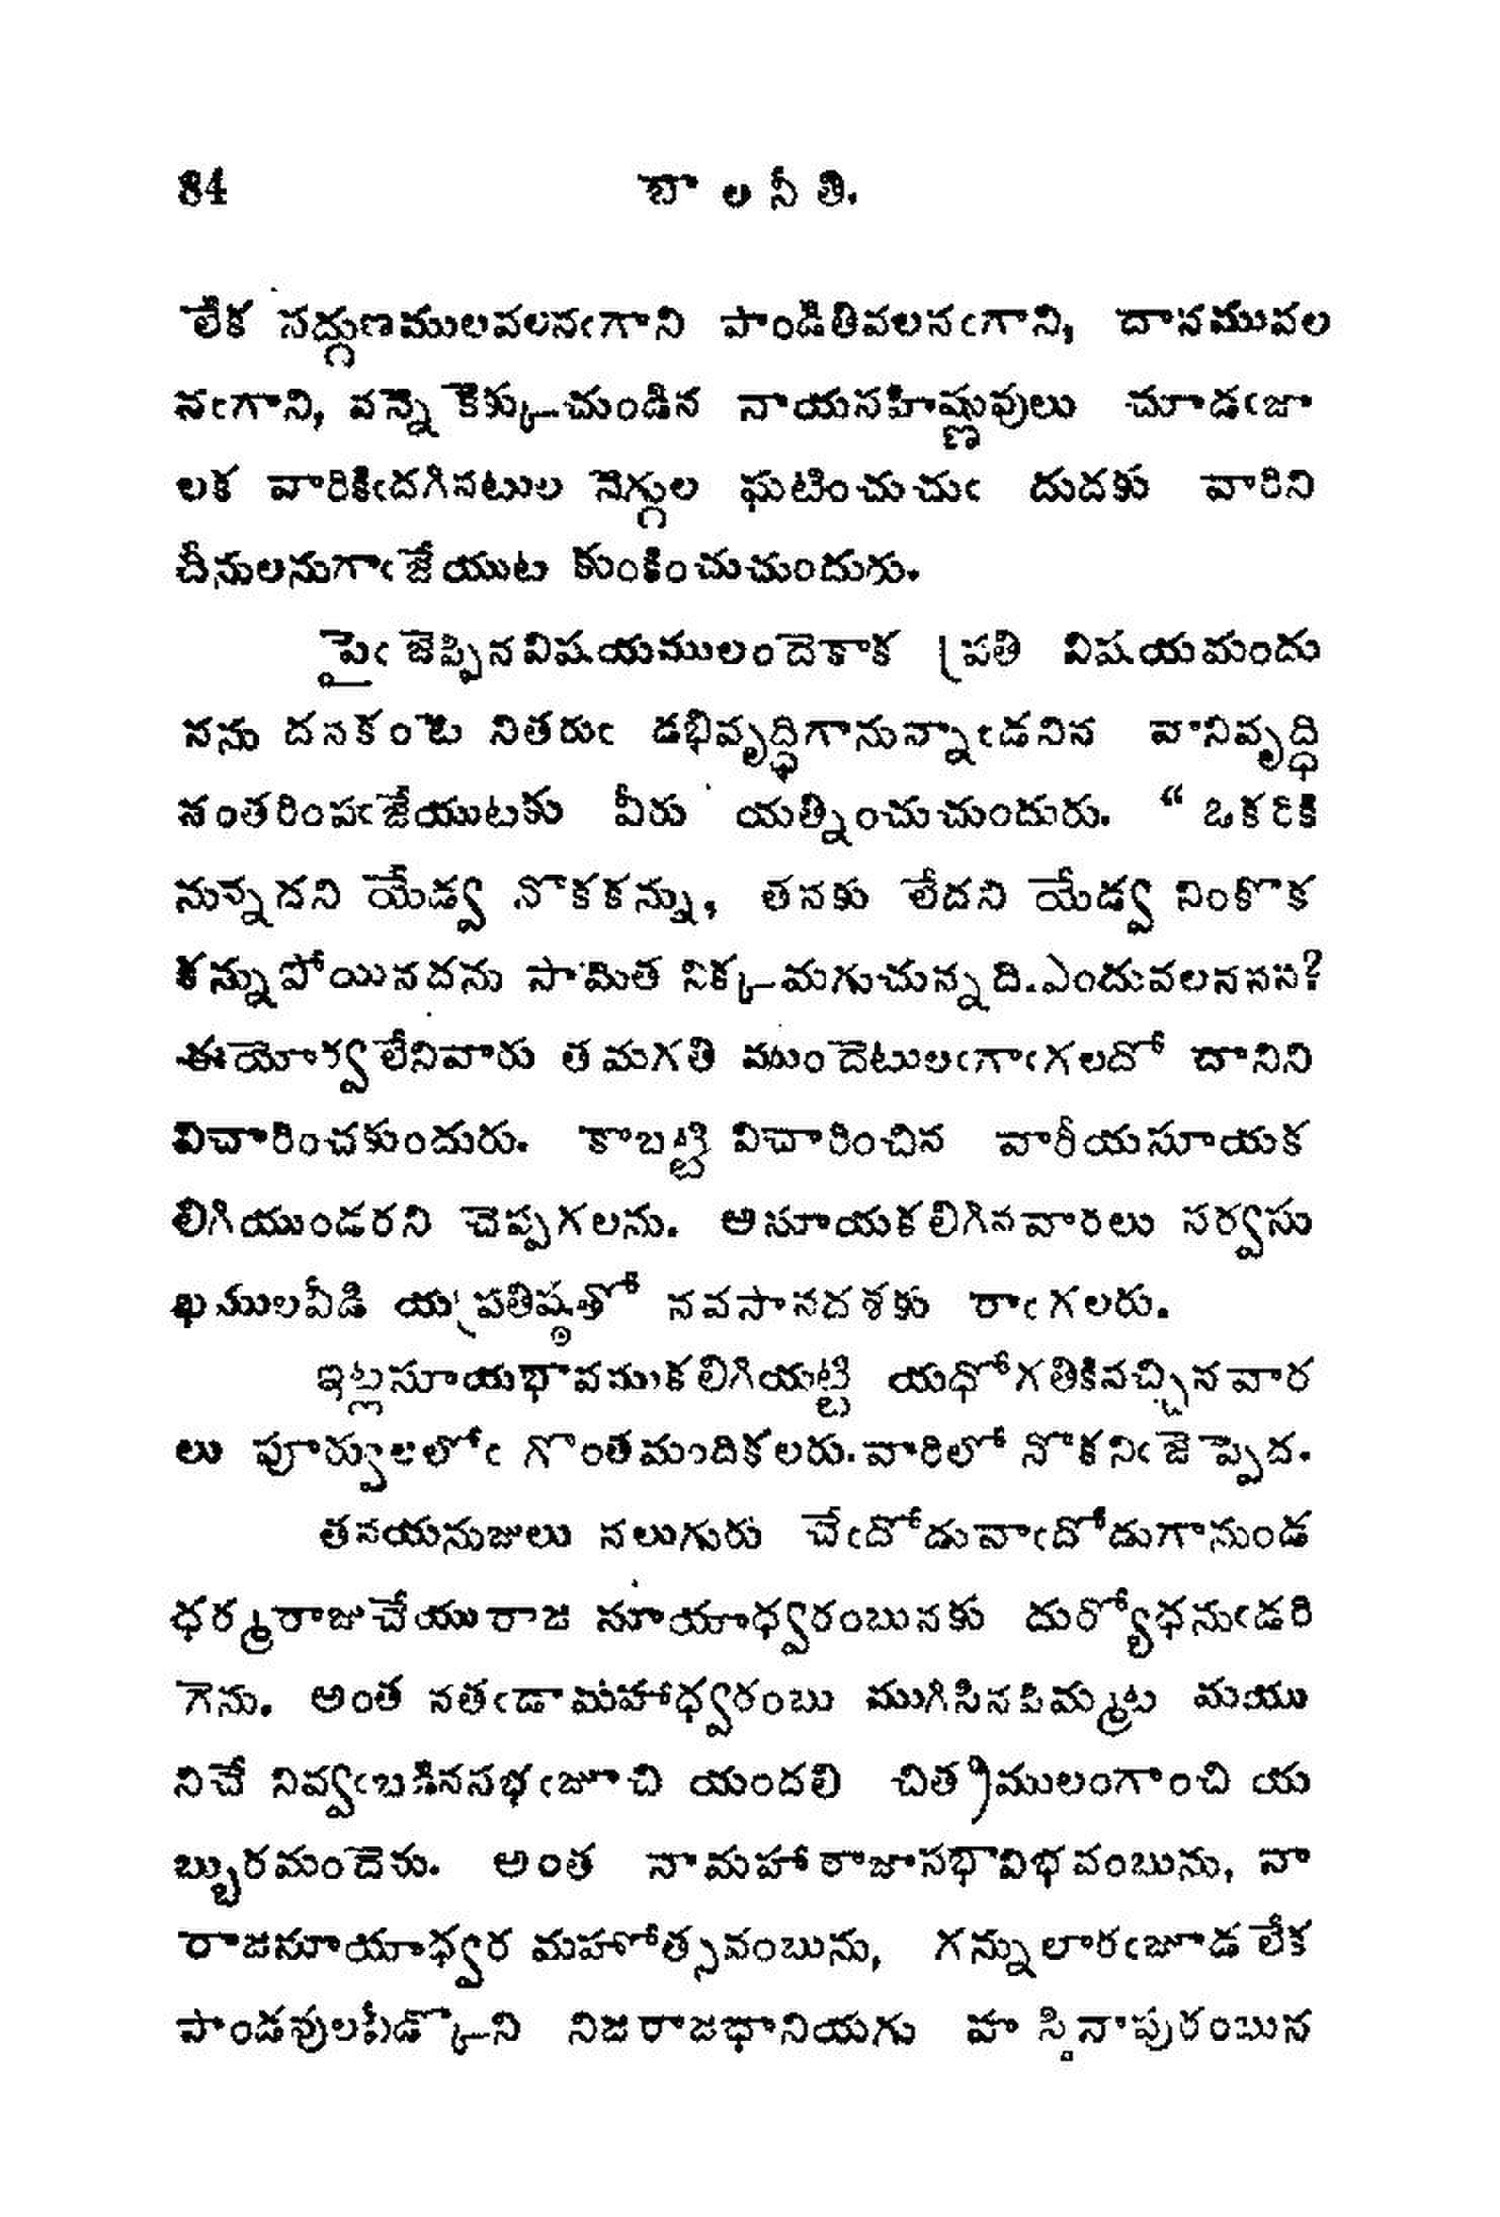లేక సద్గుణములవలనఁగాని పాండితివలనఁగాని, దానమువల
నఁగాని, వన్నె కెక్కుచుండిన నాయనహిష్ణువులు చూడఁజా
లక వారికిఁదగినటుల నెగ్గుల ఘటించుచుఁ దుదకు వారిని 
దీనులుగాఁజేయుట కుంకించుచుందురు.

పైఁ జెప్పినవిషయములందెకాక ప్రతి విషయమందు 
నను దనకంటె నితరుఁ డభివృద్ధిగానున్నాఁడనిన వానివృద్ధి 
నంతరింపఁజేయుటకు వీరు యత్నించుచుందురు. "ఒకరికి 
నున్నదని యేడ్వ నొకకన్ను, తనకు లేదని యేడ్వ నొంకొక
కన్నుపోయినదను సామెత నిక్కమగుచున్నది. ఎందువలననన? 
ఈయోర్వలేనివారు తమగతి ముందెటులఁగాఁగలదో దానిని 
విచారించకుందురు. కాబట్టి విచారించిన వారీయసూయక 
లిగియుండరని చెప్పగలను. అసూయకలిగినవారలు సర్వసు
ఖములవీడి యప్రతిష్ఠతో నవసానదశకు రాఁగలరు. 

ఇట్లసూయభావముకలిగియట్టి యధోగతికివచ్చినవా
రలు పూర్వులలోఁ గొంతమందికలరు. వారిలో నొకనిఁజెప్పెద.

తనయనుజులు నలుగురు చేఁదోడువాఁదోడుగానుండ 
ధర్మరాజుచేయురాజ సూయాధ్వరంబునకు దుర్యోధనుఁడరి
గెను. అంత నతఁడామహాధ్వరంబు ముగిసినపిమ్మట మయు
నిచే నివ్వఁబడినసభఁజూచి యందలి చిత్రములంగాంచి య
బ్బురమందెను. అంత నామహారాజాసభావిభవంబును, నా
రాజసూయాధ్వర మహోత్సవంబును, గన్నులారఁజూడలేక 
పాండవులవీడ్కొని నిజరాజధానియగు హస్తినాపురంబున